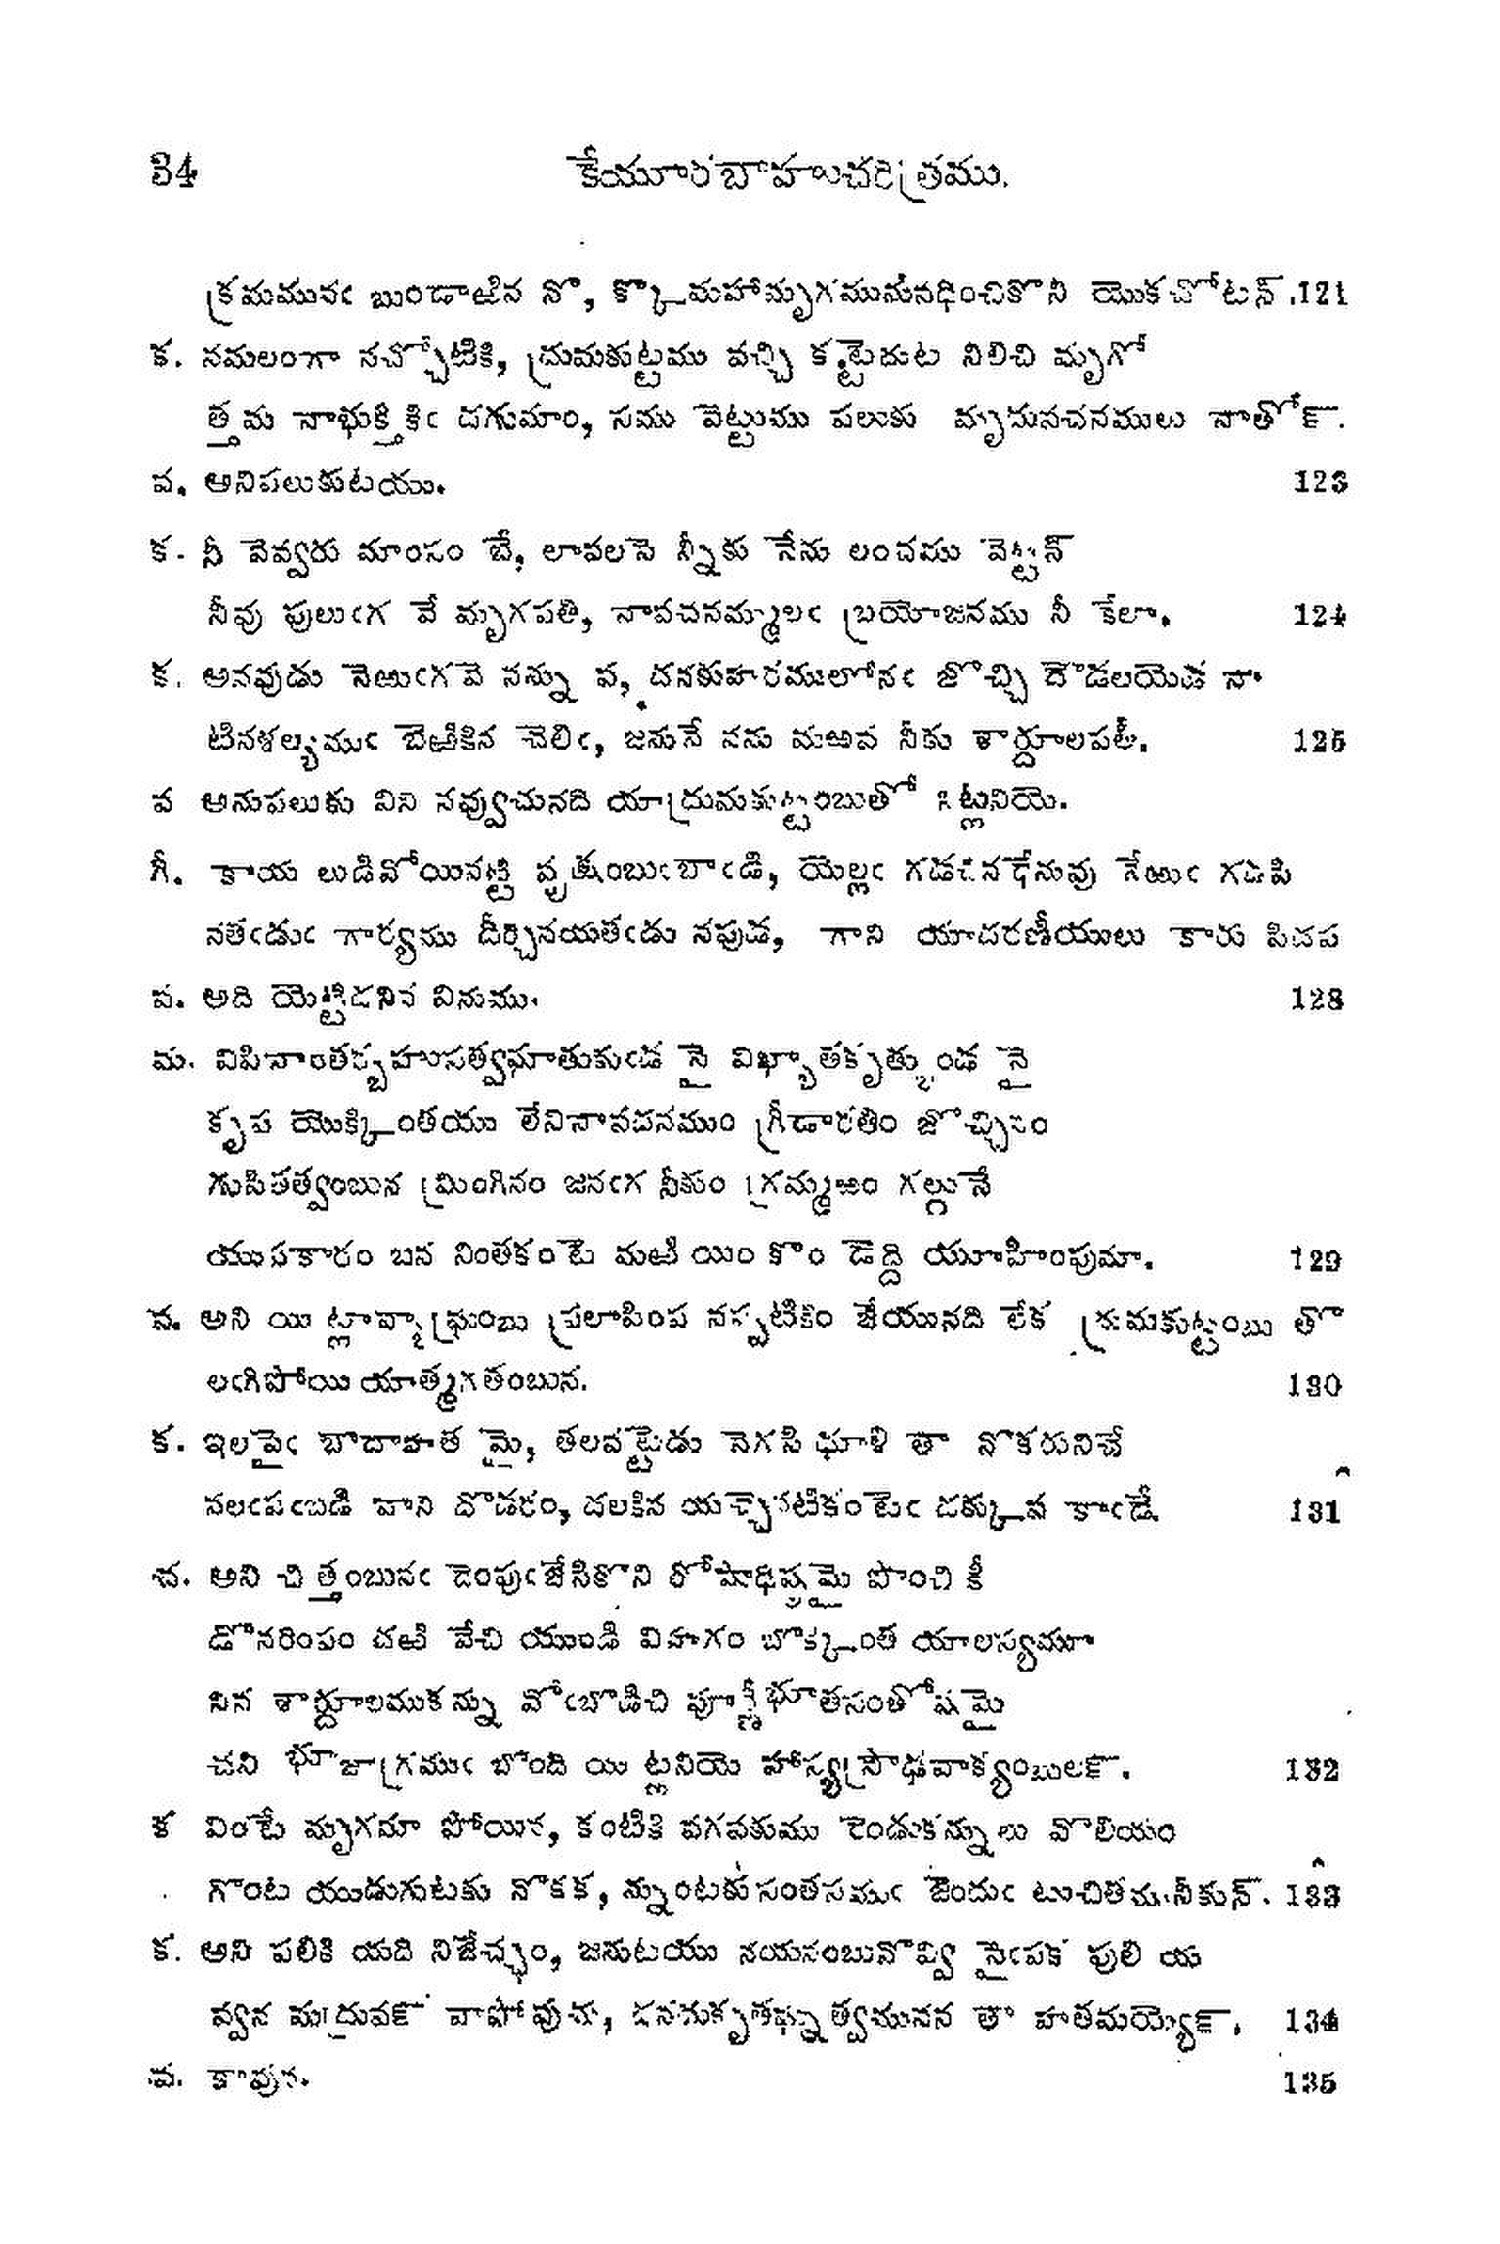క్రమమునఁ బుండాటిన నొ, క్కొమహామృగమును వధించికొని యొకచోటన్.
క. నమలంగా నచ్చోటికి, ద్రుమకుట్టము వచ్చి కట్టెదుట నిలిచి మృగో
 త్తమ నాభుక్తికిఁ దగుమాం, సము వెట్టుము పలుకు మృదువచనములు నాతోన్.
వ. అని పలుకుటయు.
క. నీ వెవ్వరు మాంసం బే, లావలసె న్నీకు నేను లంచము వెట్టన్
 నీవు పులుఁగ వే మృగపతి, నావచనమ్ములఁ బ్రయోజనము నీ కేలా.
క. అనవుడు నెఱుఁగవే నన్ను వ, దనకుహరములోనఁ జొచ్చి దౌడలయెడ నా
 టినశల్యముఁ బెఱికిన చెలిఁ, జనునే నను మఱవ నీకు శార్దూలపతీ.
వ. అనుపలుకు విని నవ్వుచు నది యాద్రుమకుట్టంబుతో ని ట్లనియె.
గీ. కాయ లుడివోయినట్టి వృక్షంబుఁబాఁడి, యెల్లఁ గడచినధేనువు నేఱుఁ గడపి
 నతఁడుఁ గార్యము దీర్చినయతఁడు నపుడ, గాని యాదరణీయులు కారు పిదప.
వ. అది యెట్టిదనిన వినుము.
మ. విపినాంతర్బహుసత్వఘాతుకుఁడ నై విఖ్యాతకృత్యుండ నై
 కృప యొక్కింతయు లేని నావదనముం క్రీడారతిం జొచ్చినం
 గుసితత్వంబున మ్రింగినం జనఁగ నీకుం గ్రమ్మఱం గల్గునే
 యుపకారం బన నింతకంటె మఱి యిం కొం డెద్ది యూహింపుమా.
వ. అని యి ట్లావ్యాఘ్రంబు ప్రలాపింప నప్పటికిం జేయునది లేక ద్రుమకుట్టంబు తొ
 లఁగిపోయి యాత్మగతంబున.
క. ఇలపైఁ బాదాహత మై, తలవట్టెడు నెగసి ధూళి తా నొకరునిచే
 నలఁపఁబడి వాని దొడరం, దలకిన యచ్చెనటికంటెఁ దక్కువ కాఁడే.
చ. అని చిత్తంబునఁ దెంపుఁ జేసికొని రోషాధిష్ఠమై పొంచి కీ
 డొనరింపం దఱి వేచి యుండి విహగం బొక్కింత యాలస్యమూ
 నిన శార్దూలముకన్ను వోఁబొడిచి పూర్ణీభూతసంతోష మై
 చని భూజాగ్రముఁ బొంది యి ట్లనియె హాస్యప్రౌఢవాక్యంబులన్.
క. వింటే మృగమా పోయిన, కంటికి వగవకుము రెండు కన్నులు వొలియం
 గొంట యుడుగుటకు నొకక, న్నుంటకు సంతసముఁ జెందుఁ టుచితము నీకున్.
క. అని పలికి యది నిజేచ్ఛం, జనుటయు నయనంబునొవ్వి సైఁపక పులి య
 వ్వన మద్రువన్ వాపోవును, దనదుకృతఘ్నత్వమునన తా హతమయ్యెన్.
వ. కావున.